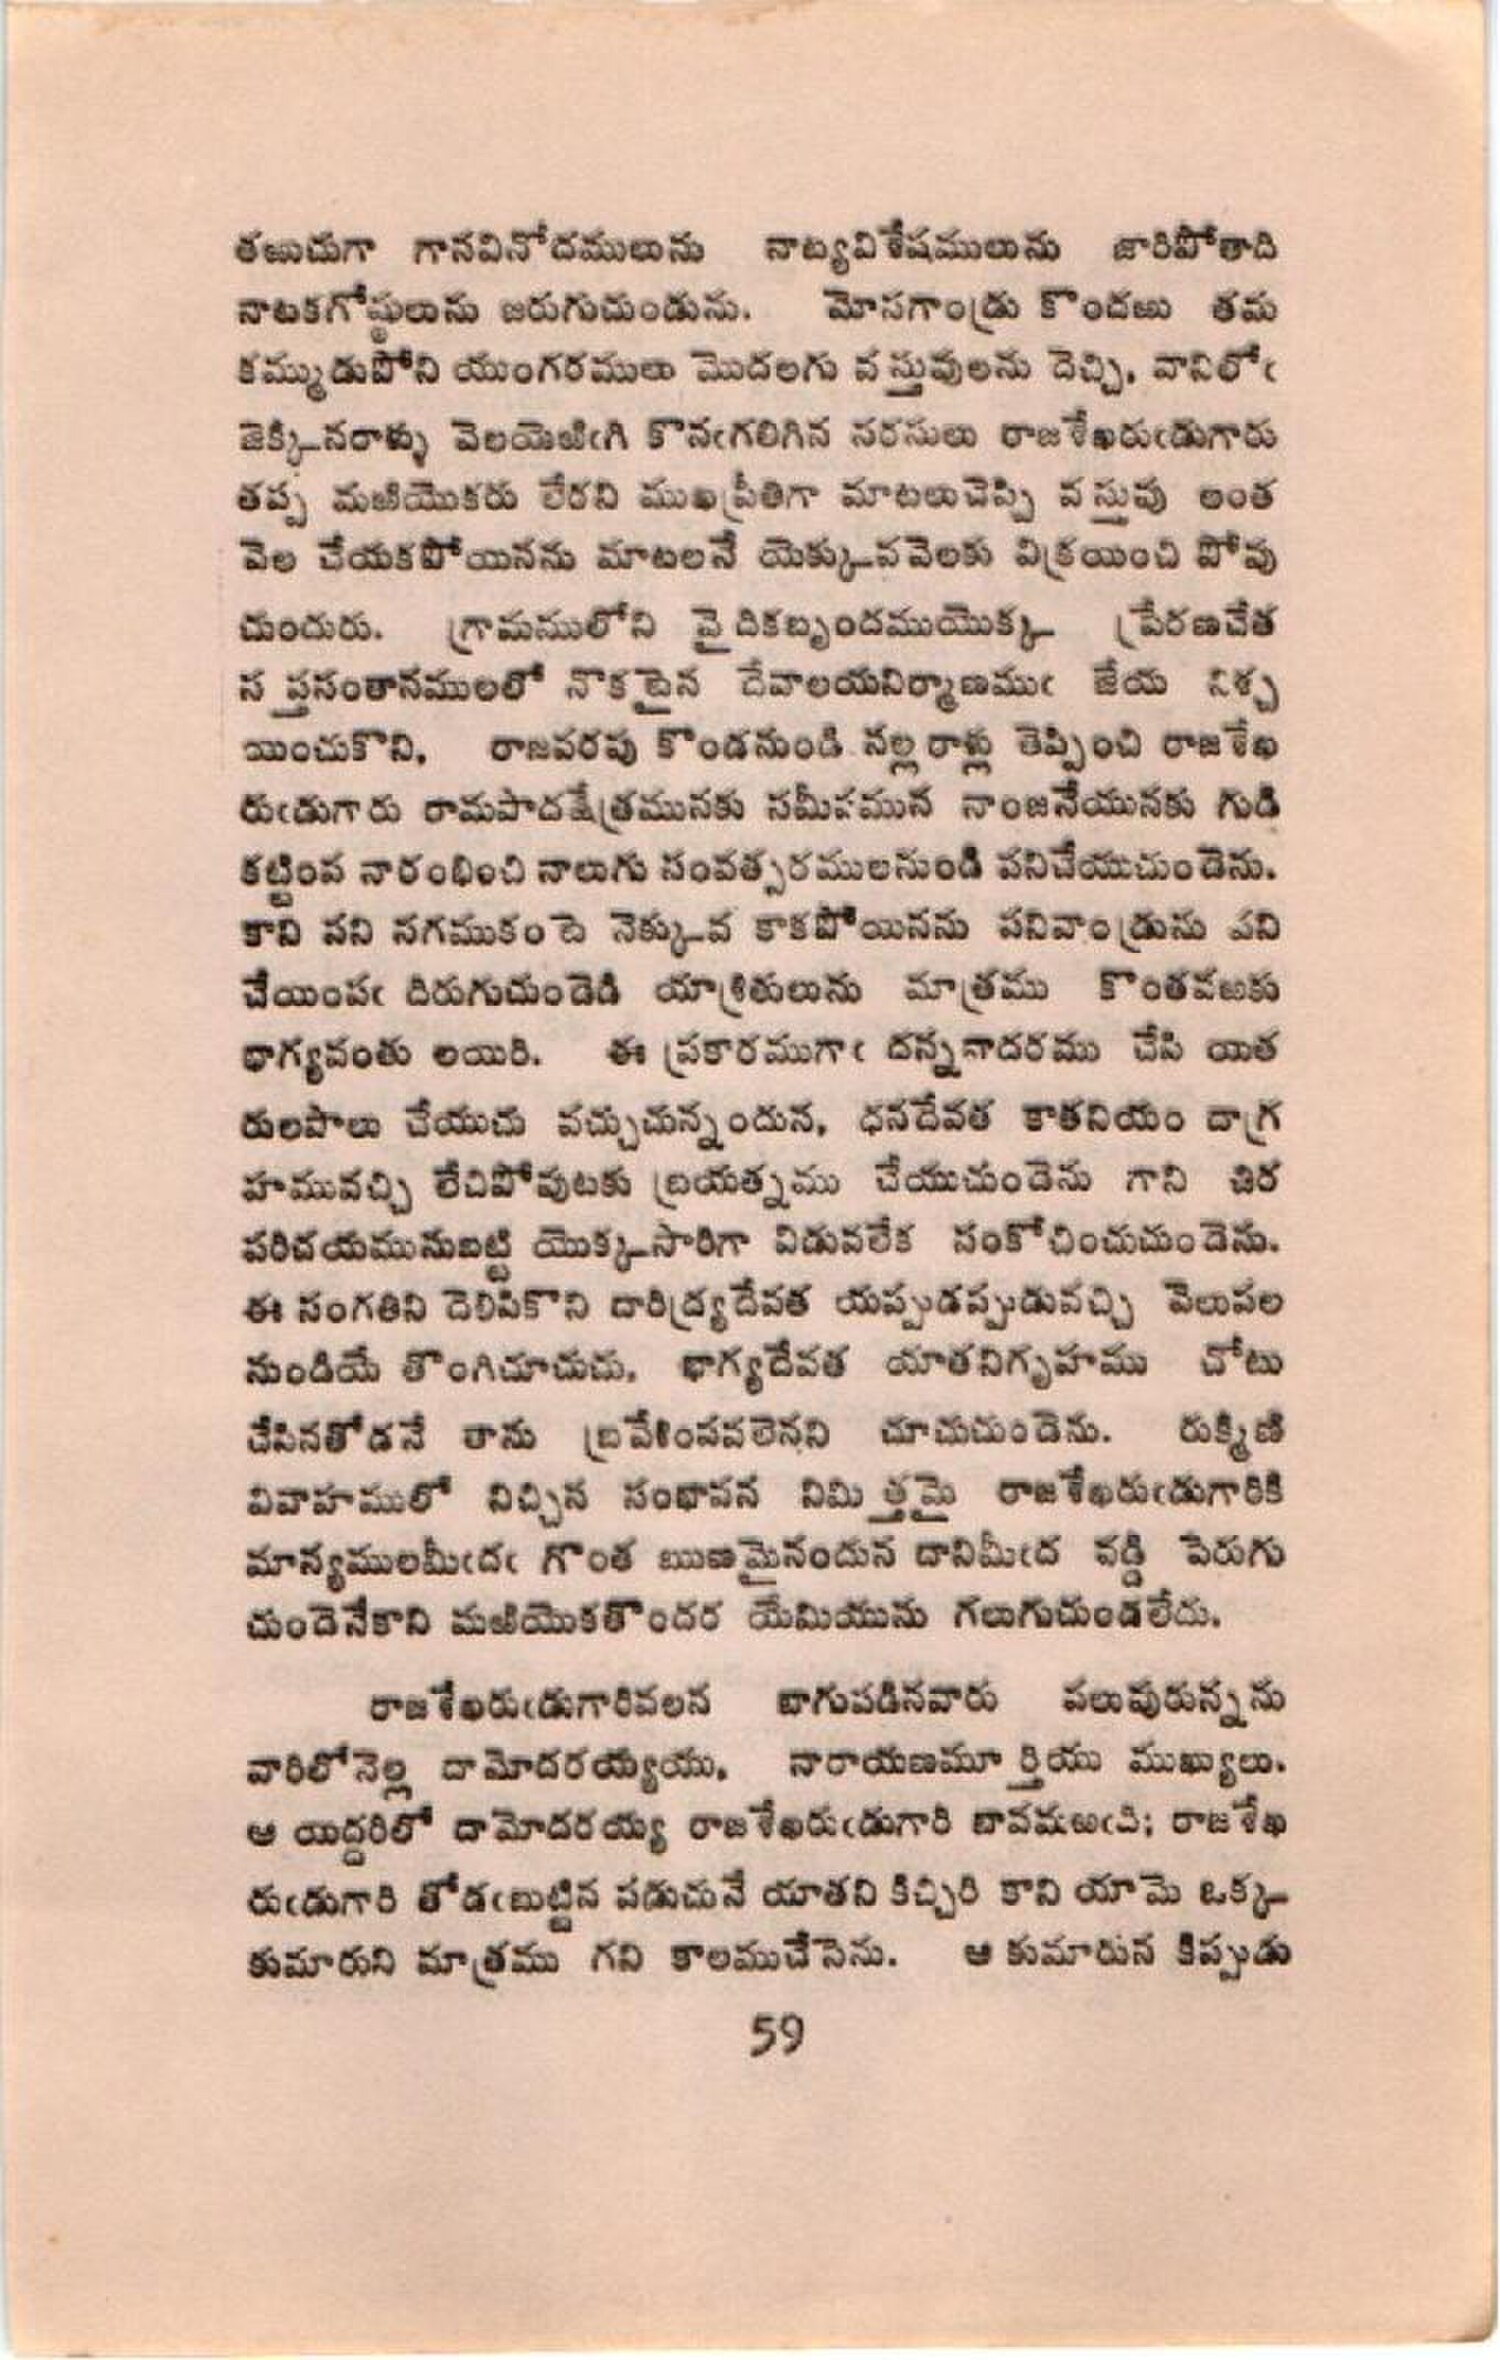తఱచుగా గానవినోదములను నాట్యవిశేషములను జారిపోతాది నాటక గోష్టులను జరుగుచుండును. మోసగాండ్రు కొందఱు తమ కమ్ముడుపోని యుంగరములు మొదలగు వస్తువులను దెచ్చి, వానిలోఁ జెక్కినరాళ్ళు వెలయెఱిగి కొనఁగలిగిన సరసులు రాజశేఖరుడుగారు తప్ప మఱియొకరు లేరని ముఖప్రీతిగా మాటలు చెప్పి వస్తువు అంత వెల చేయకపోయినను మాటలనే యెక్కువ వెలకు విక్రయించి పోవు చుందురు. గ్రామములోని వైదిక బృందము యొక్క ప్రేరణచేత సప్త సంతానములలో నొకటైన దేవాలయనిర్మాణము జేయ నిశ్చ యించుకొని, రాజవరపు కొండనుండి నల్లరాళ్లు తెప్పించి రాజశేఖ రుఁడుగారు రామపాదక్షేత్రమునకు సమీపమున నాంజనేయునకు గుడి కట్టింప నారంభించి నాలుగు సంవత్సరములనుండి పనిచేయుచుండెను. కాని పని సగముకంటె నెక్కువ కాకపోయినను పనివాండ్రును పని చేయింపఁ దిరుగుచుండెడి యాశ్రితులను మాత్రము కొంతవఱకు భాగ్యవంతు లయిరి. ఈ ప్రకారముగాఁ దన్ననాదరము చేసి యితరులపాలు చేయుచు వచ్చుచున్నందున, ధనదేవత కాతవియం డాగ్ర హమువచ్చి లేచిపోవుటకు బ్రయత్నము చేయుచుండెను గాని చిర పరిచయమునుబట్టి యొక్కసారిగా విడువలేక సంకోచించుచుండెను. ఈ సంగతిని దెలిసికొని దారిద్ర్యదేవత యప్పుడప్పుడువచ్చి వెలుపల నుండియే తొంగిచూచుచు, భాగ్యదేవత యాతనిగృహము చోటు చేసినతోడనే తాను బ్రవేశింపవలెనని చూచుచుండెను. రుక్మిణి వివాహములో నిచ్చిన సంభావన నిమిత్తమై రాజశేఖరుడుగారికి మాన్యములమీఁదఁ గొంత ఋణమైనందున దానిమీద వడ్డి పెరుగు చుండెనేకాని మఱియొకతొందర యేమియును గలుగుచుండలేదు.

రాజశేఖరుడుగారివలన బాగుపడినవారు పలువురున్నను వారిలోనెల్ల దామోదరయ్యయు, నారాయణమూర్తియు ముఖ్యులు, ఆ యిద్దరిలో దామోదరయ్య రాజశేఖరుఁడుగారి బావమఱఁది; రాజశేఖ రుఁడుగారి తోడఁబుట్టిన పడుచునే యాతనికిచ్చిరి కాని యామె ఒక్కకుమారుని మాత్రము గని కాలముచేసెను. ఆ కుమారున కిప్పుడు